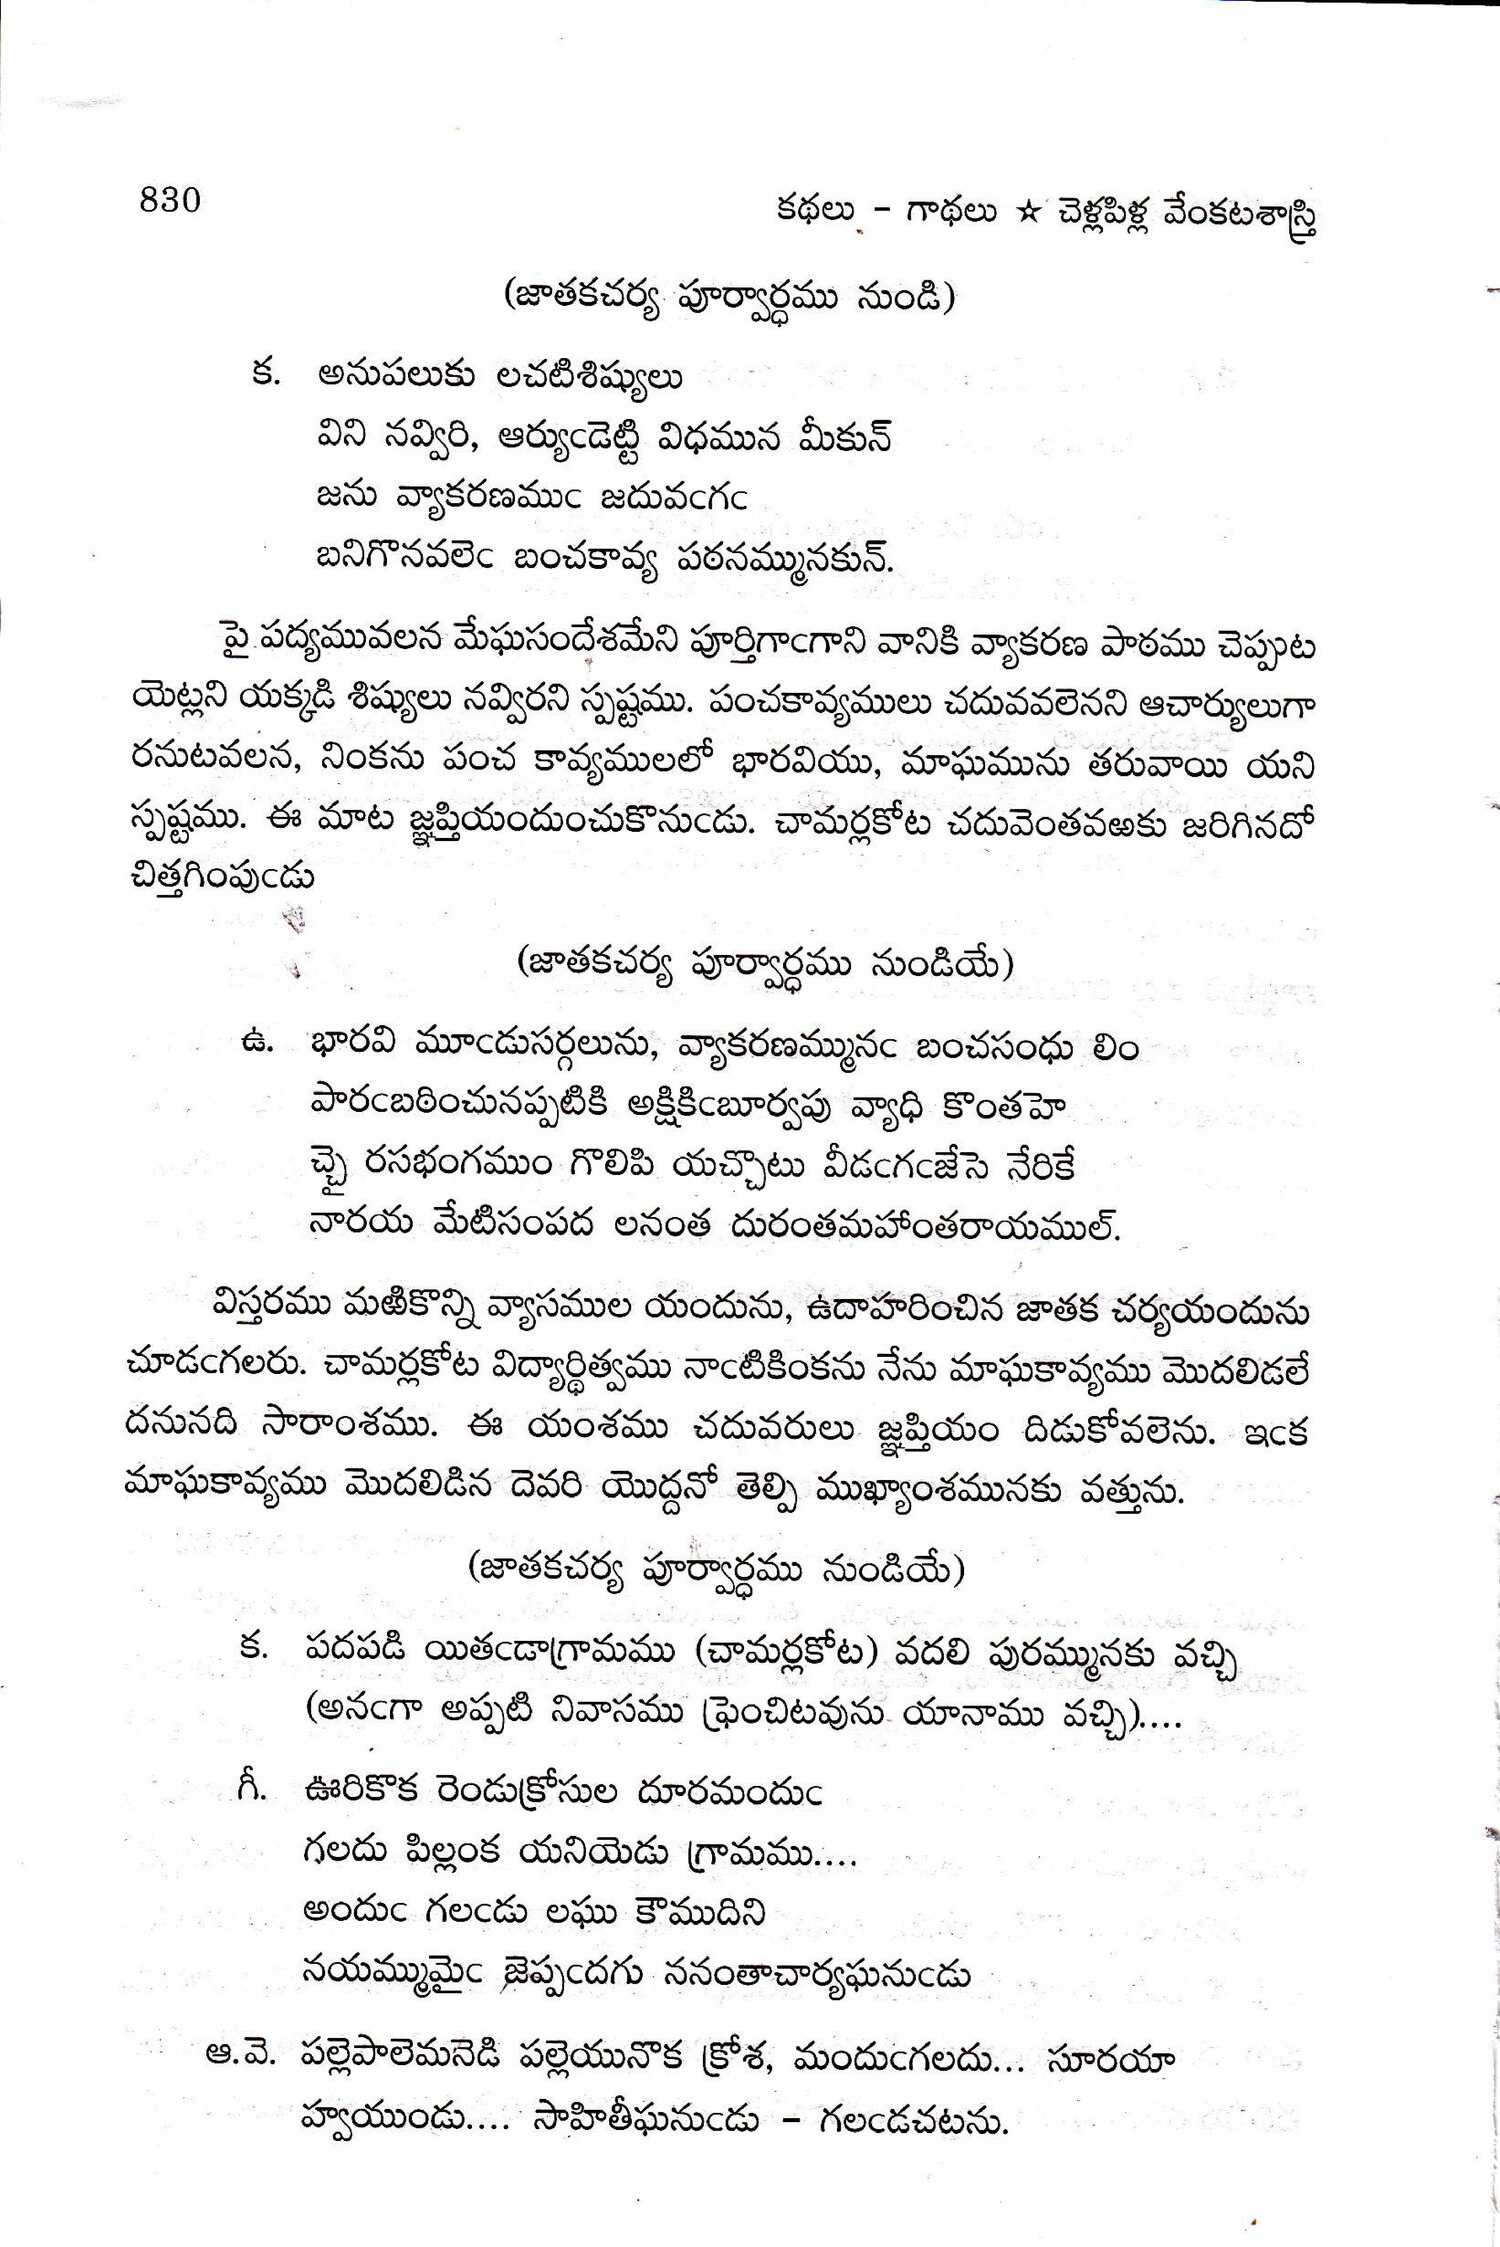క. అనుపలుకు లచటిశిష్యులు
 విని నవ్విరి, ఆర్యుఁడెట్టి విధమున మీకున్ 
 జను వ్యాకరణముఁ జదువఁగఁ 
 బనిగొనవలెఁ బంచకావ్య పఠనమ్మునకున్.
పై పద్యమువలన మేఘసందేశమేని పూర్తిగాఁగాని వానికి వ్యాకరణ పాఠము చెప్పుట యెట్లని యక్కడి శిష్యులు నవ్విరని స్పష్టము. పంచకావ్యములు చదువవలెనని ఆచార్యులుగా రనుటవలన, నింకను పంచ కావ్యములలో భారవియు, మాఘమును తరువాయి యని స్పష్టము. ఈ మాట జ్ఞప్తియందుంచుకొనుఁడు. చామర్లకోట చదువెంతవఱకు జరిగినదో చిత్తగింపుఁడు -

ఉ. భారవి మూఁడుసర్గలును, వ్యాకరణమ్మునఁ బంచసంధు లిం 
 పారఁబఠించునప్పటికి అక్షికిఁబూర్వపు వ్యాధి కొంతహె 
 చ్చై రసభంగమం గొలిపి యచ్చొటు వీడఁగఁజేసె నేరికే 
 నారయ మేటిసంపద లనంత దురంతమహాంతరాయముల్
విస్తరము మఱికొన్ని వ్యాసముల యందును, ఉదాహరించిన జాతక చర్యయందును చూడఁగలరు. చామర్లకోట విద్యార్ధిత్వము నాఁటికింకను నేను మాఘకావ్యము మొదలిడలే దనునది సారాంశము. ఈ యంశము చదువరులు జ్ఞప్తియం దిడుకోవలెను. ఇఁక మాఘకావ్యము మొదలిడిన దెవరి యొద్దనో తెల్పి ముఖ్యాంశమునకు వత్తును.

 

క. పదపడి యితఁడాగ్రామము (చామర్లకోట) వదలి పరమ్మునకు వచ్చి 
 (అనఁగా అప్పటి నివాసము ఫ్రెంచిటవును యానాము వచ్చి).... 

గీ. ఊరికొక రెండుక్రోసుల దూరమందుఁ
 గలదు పిల్లంక యనియెడు గ్రామము....
 అందుఁ గలఁడు లఘు కౌముదిని
 నయమ్ముమైఁ జెప్పఁదగు ననంతాచార్యఘనుఁడు

ఆ.వె. పల్లెపాలెమనెడి పల్లెయునొక క్రోశ, మందుఁగలదు. సూరయా 
 హ్వయుండు.... సాహితీఘనుఁడు - గలఁడచటను. -